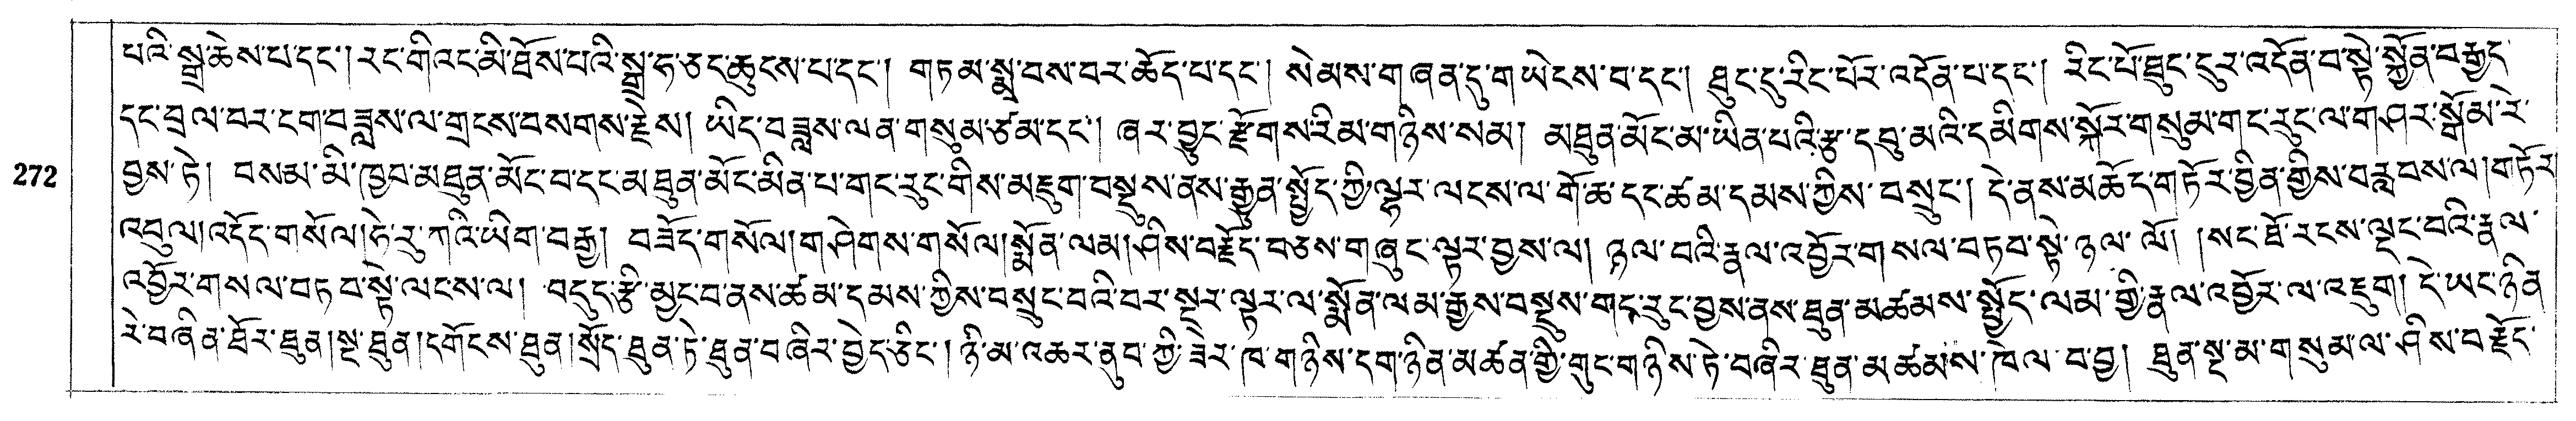བའི་སྒྲ་ཆེས་པ་དང་། རང་གིའང་མི་ཐོས་པའི་སྒྲ་ཧ་ཅང་ཆུངས་པ་དང་། གཏམ་སྨྲ་བས་བར་ཆོད་པ་དང་། སེམས་གཞན་དུ་གཡེངས་པ་དང་། ཐུང་ངུ་རིང་པོར་འདོན་པ་དང་། རིང་པོ་ཐུང་ངུར་འདོན་པ་སྟེ་སྐྱོན་བརྒྱད་
དང་བྲལ་བར་ངག་བཟླས་ལ་གྲངས་བསགས་རྗེས། ཡིད་བཟླས་ལན་གསུམ་ཙམ་དང་། ཞར་བྱུང་རྫོགས་རིམ་གཉིས་སམ། མཐུན་མོང་མ་ཡིན་པའི་རྩ་དབུ་མའི་དམིགས་སྐོར་གསུམ་གང་རུང་ལ་བཤར་སྒོམ་རེ་
བྱས་ཏེ། བསམ་མི་ཁྱབ་མཐུན་མོང་བ་དང་མཐུན་མོང་མིན་པ་གང་རུང་གིས་མཇུག་བསྡུས་ནས་རྒྱུན་སྤྱོད་ཀྱི་ལྷར་ལངས་ལ་གོ་ཆ་དང་ཚམ་དམས་ཀྱིས་བསྲུང་། དེ་ནས་མཆོད་གཏོར་བྱིན་གྱིས་བརླབས་ལ། གཏོར་
འབུལ། འདོད་གསོལ། ཧེ་རུ་ཀའི་ཡིག་བརྒྱ། བཟོད་གསོལ། གཤེགས་གསོལ། སྨོན་ལམ། ཤིས་བརྗོད་བཅས་གཞུང་ལྟར་བྱས་ལ། ཉལ་བའི་རྣལ་འབྱོར་གསལ་བཏབ་སྟེ་ཉལ་ལོ། །སང་ཐོ་རངས་ལྡང་བའི་རྣལ་
འབྱོར་གསལ་བཏབ་སྟེ་ལངས་ལ། བདུད་རྩི་མྱང་བ་ནས་ཚམ་ངམས་ཀྱིས་བསྲུང་བའི་བར་སྔར་ལྟར་ལ་སྨོན་ལམ་རྒྱས་བསྡུས་གང་རུང་བྱས་ནས་ཐུན་མཚམས་སྤྱོད་ལམ་གྱི་རྣལ་འབྱོར་ལ་འཇུག །དེ་ཡང་ཉིན་
རེ་བཞིན་ཐོར་ཐུན། སྔ་ཐུན། དགོངས་ཐུན། སྲོད་ཐུན་ཏེ་ཐུན་བཞིར་བྱེད་ཅིང་། ཉི་མ་འཆར་ནུབ་ཀྱི་ཟེར་ཁ་གཉིས་དང་། ཉིན་མཚན་གྱི་གུང་གཉིས་ཏེ་བཞིར་ཐུན་མཚམས་ཁེལ་བ་བྱ། ཐུན་སྔ་མ་གསུམ་ལ་ཤིས་བརྡོད་?